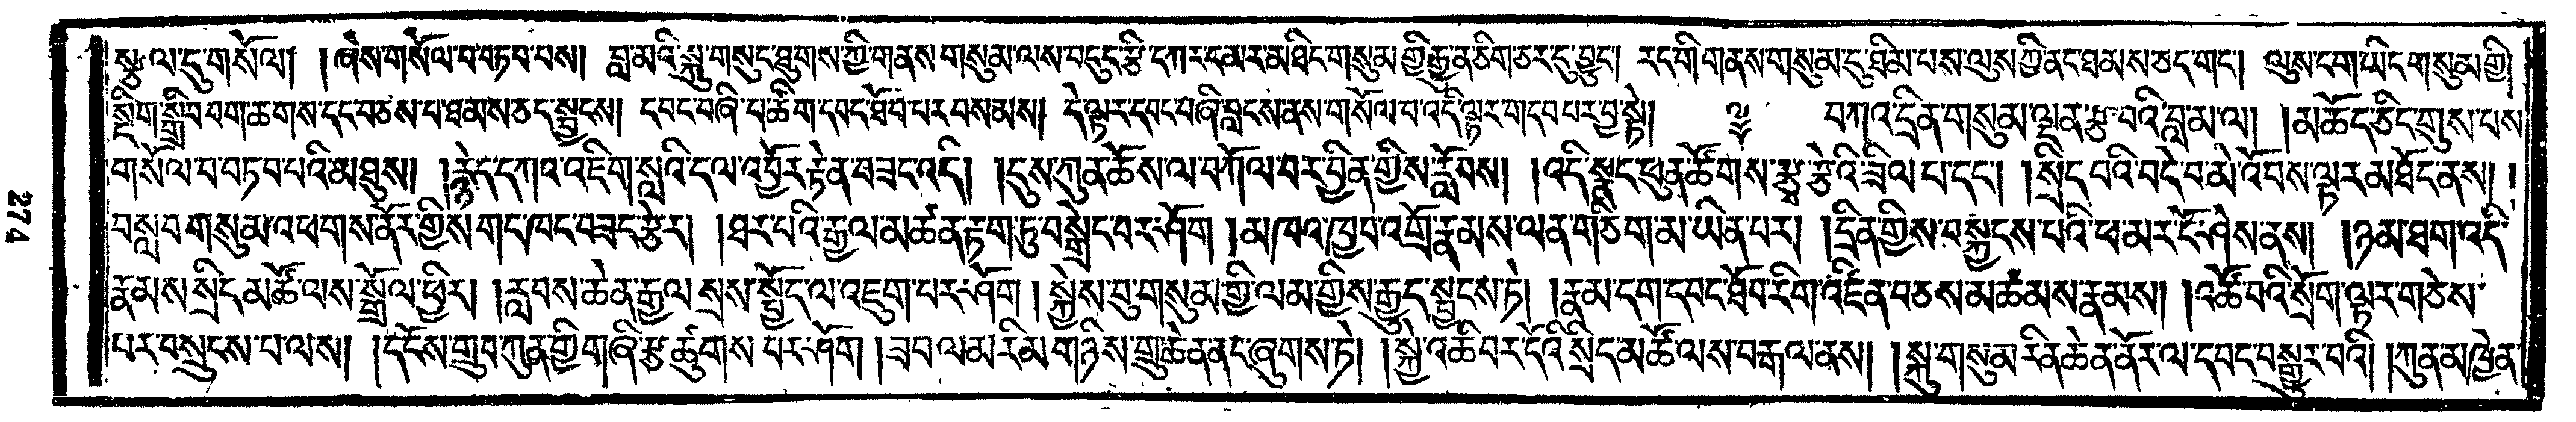སྩལ་དུ་གསོལ། །ཞེས་གསོལ་བ་བཏབ་པས། བླ་མའི་སྐུ་གསུང་ཐུགས་ཀྱི་གནས་གསུམ་ལས་བདུད་རྩི་དཀར་དམར་མཐིང་གསུམ་གྱི་རྒྱུ་ན་ཅིག་ཅར་དུ་བྱུང་། རང་གི་གནས་གསུམ་དུ་ཐིམ་པས་ལུས་ཀྱི་ནང་ཐམས་ཅད་གང་། ལུས་ངག་ཡིད་གསུམ་གྱི།
སྡིག་སྒྲིབ་བག་ཆགས་དང་བཅས་པ་ཐམས་ཅད་སྦྱངས། དབང་བཞི་པ་ཚིག་དབང་ཐོབ་པར་བསམས། དེ་ལྟར་དབང་བཞི་བླངས་ནས་གསོལ་བ་འདི་ལྟར་གདབ་པར་བྱ་སྟེ། ༈ བཀའ་དྲིན་གསུམ་ལྡན་རྩ་བའི་བླ་མ་ལ། །མཆོད་ཅིང་གུས་པས་
གསོལ་བ་བཏབ་པའི་མཐུས། །རྙེད་དཀའ་འཇིག་སླའི་དལ་འབྱོར་རྟེན་བཟང་འདི། །དུས་ཀུན་ཆོས་ལ་བཀོལ་བར་བྱིན་གྱིས་རློབས། །འདི་སྣང་ཕུན་ཚོགས་རྩྭ་རྩེའི་ཟིལ་པ་དང་། །སྲིད་པའི་བདེ་བ་མེ་འོབས་ལྟར་མཐོང་ནས། །
བསླབ་གསུམ་འཕགས་ནོར་གྱིས་གང་ཁང་བཟང་རྩེར། །ཐར་པའི་རྒྱལ་མཚན་རྟག་ཏུ་བསྒྲེང་བར་ཤོག །མཁའ་ཁྱབ་འགྲོ་རྣམས་ལན་གཅིག་མ་ཡིན་པར། །དྲིན་གྱིས་བསྐྱངས་པའི་ཕ་མར་ངོ་ཤེས་ནས། །ཉམ་ཐག་འདི་
རྣམས་སྲིད་མཚོ་ལས་སྒྲོལ་ཕྱིར། །རླབས་ཆེན་རྒྱལ་སྲས་སྤྱོད་ལ་འཇུག་པར་ཤོག །སྐྱེས་བུ་གསུམ་གྱི་ལམ་གྱིས་རྒྱུད་སྤྱངས་ཏེ། །རྣམ་དག་དབང་ཐོབ་རིག་འཛིན་བཅས་མཚམས་རྣམས། །འཚོ་བའི་སྲོག་ལྟར་གཅེས་
པར་བསྲུངས་པ་ལས། །དངོས་གྲུབ་ཀུན་གྱི་གཞི་རྩ་ཚུགས་པར་ཤོག །ཟབ་ལམ་རིམ་གཉིས་གྲུ་ཆེན་ནང་ཞུགས་ཏེ། །སྐྱེ་འཆི་བར་ངོའི་སྲིད་མཚོ་ལས་བརྒལ་ནས། །སྐུ་གསུམ་རིན་ཆེན་ནོར་ལ་དབང་བསྒྱུར་བའི། །ཀུན་མཁྱེན་